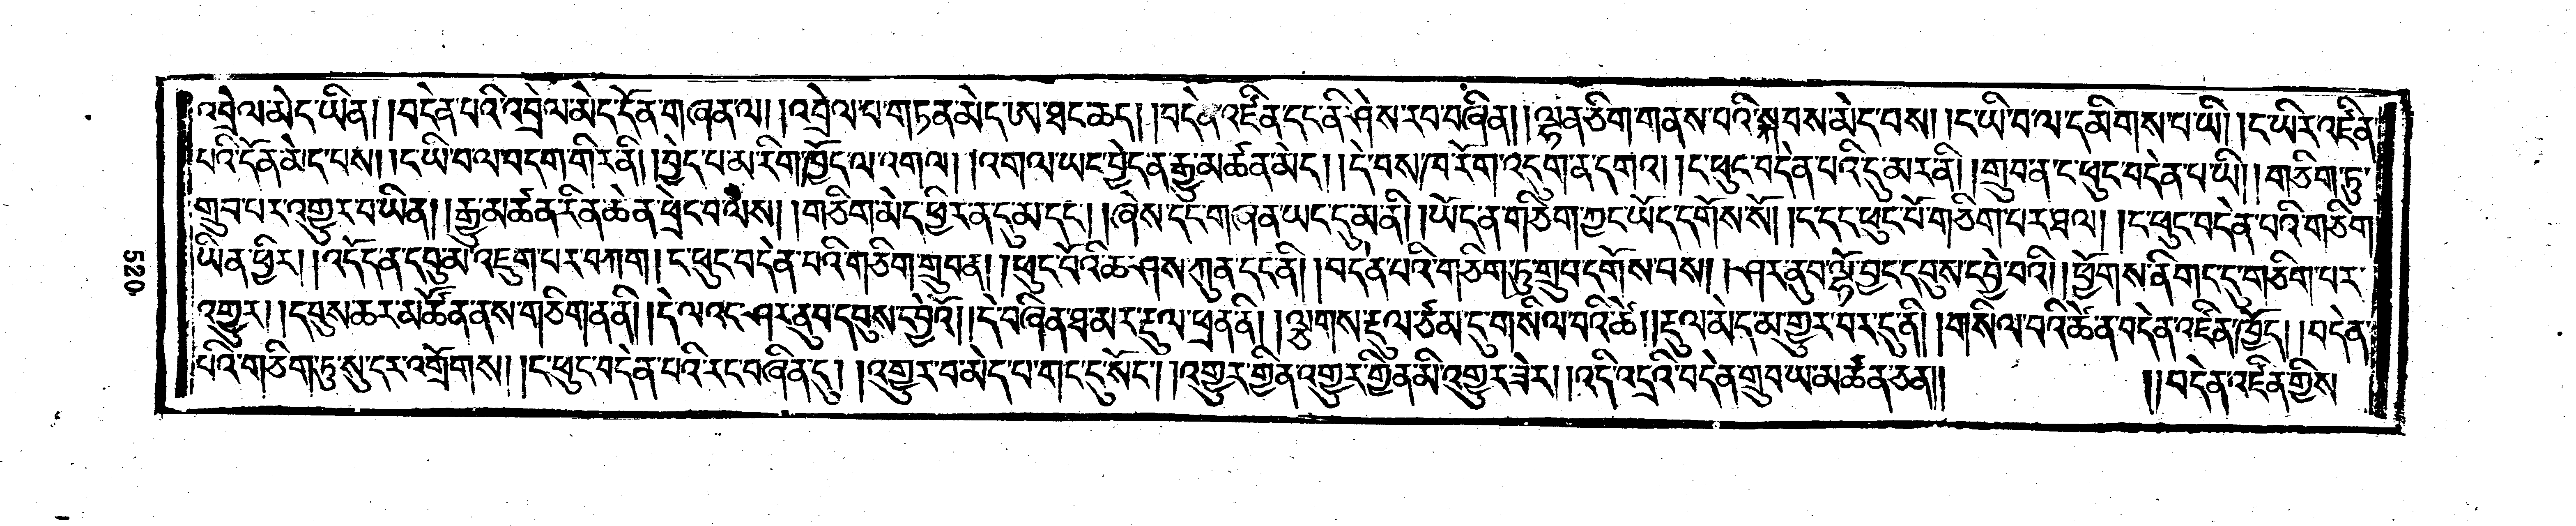འབྲེལ་མེད་ཡིན། །བདེན་པའི་འབྲེལ་མེད་དོན་གཞན་ལ། །འབྲེལ་བ་གཏན་མེད་ཨ་ཐང་ཆད། །བདེན་འཛིན་དང་ནི་ཤེས་རབ་བཞིན། །ལྷན་ཅིག་གནས་པའི་སྐབས་མེད་པས། །ང་ཡི་བ་ལ་དམིགས་པ་ཡི། །ང་ཡིར་འཛིན་
པའི་དོན་མེད་པས། །ང་ཡི་བ་ལ་བདག་གིར་ནི། །བྱེད་པ་མ་རིག་ཁྱོད་ལ་འགལ། །འགལ་ཡང་བྱེད་ན་རྒྱུ་མཚན་མེད། །དེ་བས་ཁ་རོག་འདུག་ན་དགའ། །ང་ཕུང་བདེན་པའི་དུ་མར་ནི། །གྲུབ་ན་ང་ཕུང་བདེན་པ་ཡི། །གཅིག་ཏུ་
གྲུབ་པར་འགྱུར་བ་ཡིན། །རྒྱུ་མཚན་རིན་ཆེན་ཕྲེང་བ་ལས། །གཅིག་མེད་ཕྱིར་ན་དུ་མ་དང་། །ཞེས་དང་གཞན་ཡང་དུ་མ་ནི། །ཡོད་ན་གཅིག་ཀྱང་ཡོད་དགོས་སོ། །ང་དང་ཕུང་པོ་གཅིག་པར་ཐལ། །ང་ཕུང་བདེན་པའི་གཅིག་
ཡིན་ཕྱིར། །འདོད་ན་དབུ་མ་འཇུག་པར་བཀག །ང་ཕུང་བདེན་པའི་གཅིག་གྲུབ་ན། །ཕུང་པོའི་ཆ་ཤས་ཀུན་དང་ནི། །བདེན་པའི་གཅིག་ཏུ་གྲུབ་དགོས་པས། །ཤར་ནུབ་ལྷོ་བྱང་དབུས་དབྱེ་བའི། །ཕྱོགས་ནི་གང་དུ་གཅིག་པར་
འགྱུར། །དབུས་ཆར་མཚོན་ནས་གཅིག་ན་ནི། །དེ་ལའང་ཤར་ནུབ་དབུས་དབྱེའོ། །དེ་བཞི་ཐ་མར་རྡུལ་ཕྲན་ནི། །ལྕགས་རྡུལ་ཙམ་དུ་གསིལ་བའི་ཚེ། །རྡུལ་མེད་མ་གྱུར་བར་དུ་ནི། གསིལ་བའི་ཚེ་ན་བདེན་འཛིན་ཁྱོད། །བདེན་
པའི་གཅིག་ཏུ་སུ་དང་འགྲོགས། །ང་ཕུང་བདེན་པའི་རང་བཞིན་དུ། །འགྱུར་བ་མེད་པ་གང་དུ་སོང་། །འགྱུར་གྱིན་འགྱུར་གྱིན་མི་འགྱུར་ཟེར། །འདི་འདྲའི་བདེན་གྲུབ་ཡ་མཚན་ཅན།། །།བདེན་འཛིན་གྱིས་